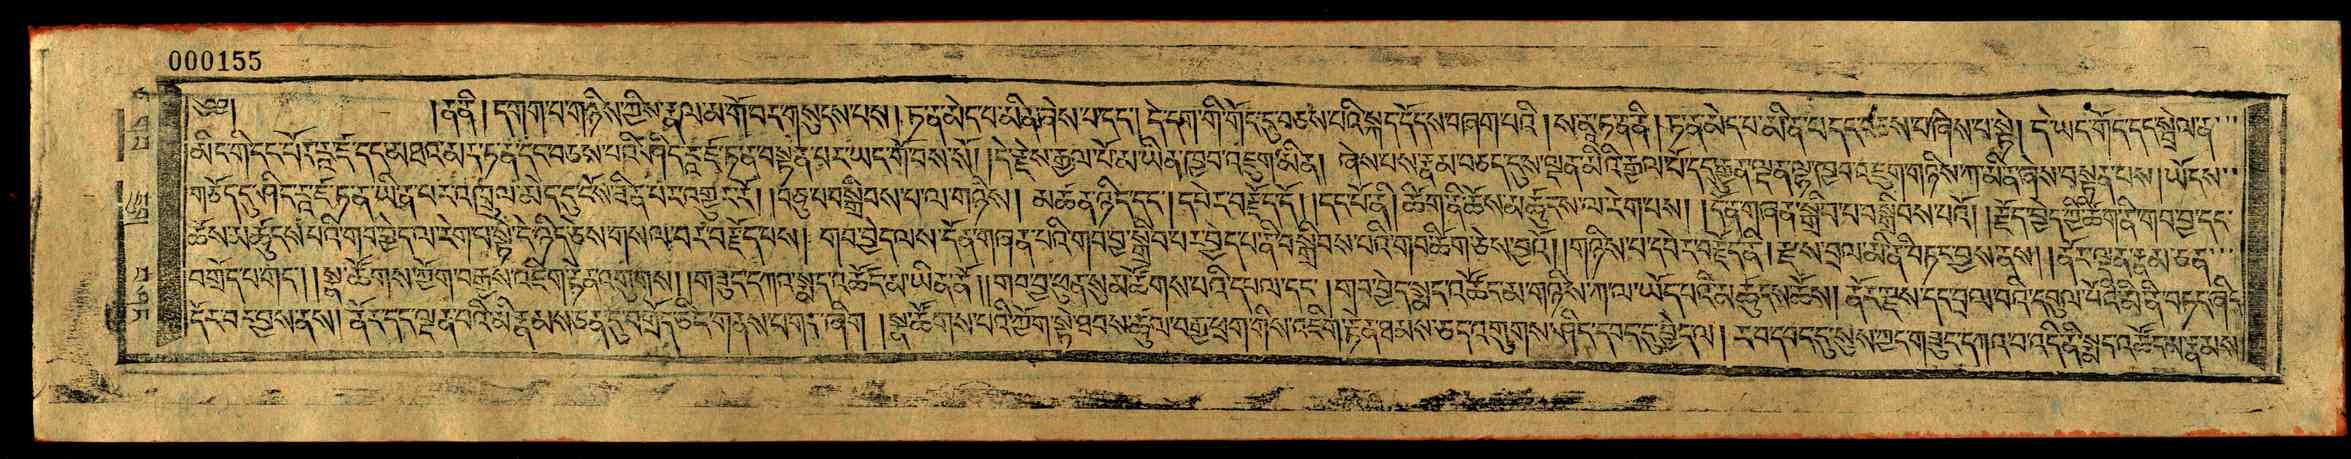༄༅། །ན་ནི། དགག་པ་གཉིས་ཀྱིས་རྣལ་མགོ་བར་གསུངས་པས། ཏན་མེད་པ་མིན་ཞེས་པ་དང་། དེ་དག་གི་གོང་དུ་བཅས་པའི་སྐད་དོདས་བཞག་པའི། ས་ནཱ་ཏ་ན་ནི། ཏན་མེད་པ་མིན་པ་དང་བཅས་པ་ཞེས་པ་སྟེ། དེ་ཡང་གོང་དང་སྦྲེལ་ན་
མིང་གི་དང་པོར་རཱ་ཛ་དང་མཐའ་མར་ཏན་དྲང་བཅས་པའི་ཤིང་རཱ་ཛ་ཏ་ན་བསྟན་པར་ཡང་གོ་བས་སོ། །དེ་རྗེས་རྒྱལ་པོ་མ་ཡིན་ཁྱབ་འཇུག་མིན། ཞེས་པས་རྣམ་བཅད་དུས་ལྡན་མིའི་རྒྱལ་པོ་དང་རྒྱུན་ལྡན་ལྷ་ཁྱབ་འཇུག་གཉིས་ཀ་མིན་ཞེས་བསྟན་པས་།ཡོངས་
གཅོད་དུ་ཤིང་རཱ་ཛ་ཏ་ན་ཡིན་པར་འཁྲུལ་མེད་དུ་ངོས་ཟིན་པར་འགྱུར་རོ། །བཅུ་པ་བསྒྲིབས་པ་ལ་གཉིས། མཚན་ཉིད་དང་། དཔེར་བརྗོད་དོ། །དང་པོ་ནི། ཚིག་ནི་ཆོས་མཚུངས་ལ་རེག་པས། །དོན་གཞན་སྒྲིབ་པ་བསྒྲིབས་པའོ། །རྗོད་བྱེད་ཀྱི་ཚིག་ནི་གབ་བྱ་དང་
ཆོས་མཚུངས་པའི་གབ་བྱེད་ལ་རེག་པ་སྟེ་དེ་ཉིད་ཅེས་གསལ་བར་བརྗོད་པས། གབ་བྱེད་ལས་དོན་གཞན་པའི་གབ་བྱ་སྒྲིབ་པར་བྱེད་པ་ནི་བསྒྲིབས་པའི་གབ་ཚིག་ཅེས་བྱའོ། །གཉིས་པ་དཔེར་བརྗོད་ནི། རྫས་བྲལ་མི་ནི་བཏང་བྱས་ནས། །ནོར་ལྡན་རྣམ་ཅན་
བགྲོད་པ་གང་། །སྣ་ཚོགས་ཀྱོག་བརྒྱས་འཇིག་རྟེན་འགུགས། །གཟུང་དཀའ་སྨད་འཚོང་མ་ཡིན་ནོ། །གབ་བྱ་ཕུན་སུམ་ཚོགས་པའི་དཔལ་དང་། གབ་བྱེད་སྨད་འཚོང་མ་གཉིས་ཀ་ལ་ཡོད་པའི་མཚུངས་ཆོས། ནོར་རྫས་དང་བྲལ་བའི་དབུལ་པོའི་མི་ནི་བཏང་ཞིང་
དོར་བར་བྱས་ནས། ནོར་དང་ལྡན་པའི་མི་རྣམས་ཅན་དུ་བགྲོང་ཅིང་གནས་པ་གང་ཞིག །སྣ་ཚོགས་པའི་ཀྱོག་སྟེ་ཐབས་ཚུལ་བརྒྱ་ཕྲག་གིས་འཇིག་རྟེན་ཐམས་ཅད་འགུགས་ཤིང་དབང་དུ་བྱེད་ལ། རང་དབང་དུ་སུས་ཀྱང་གཟུང་དཀའ་བ་འདི་ནི་སྨད་འཚོང་མ་རྣམས་